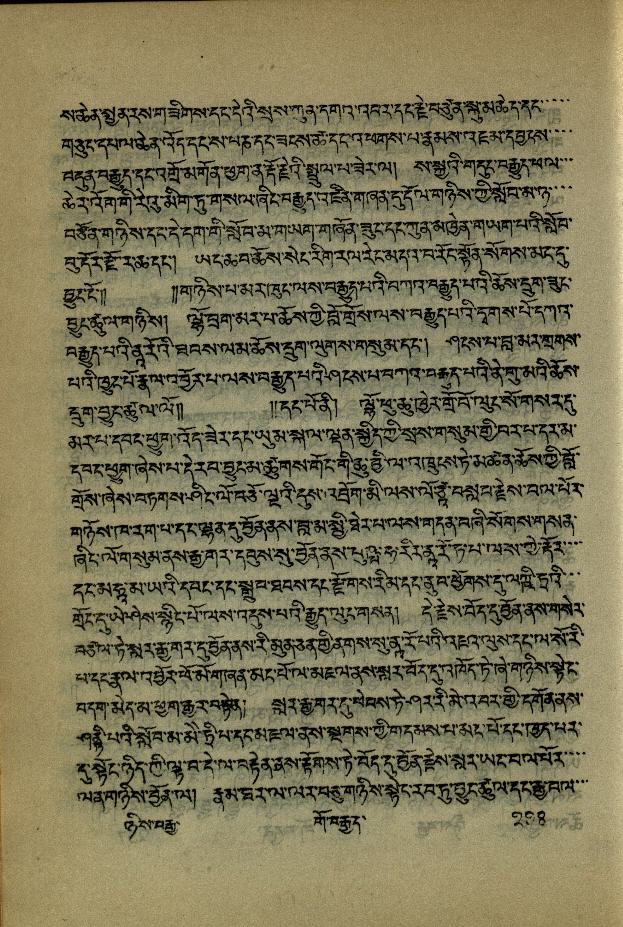ས་ཆེན་སྤྱན་རས་གཟིགས་དང་དེའི་སྲས་ཀུན་དགའ་འབར་དང་རྗེ་བཙུན་སྐུ་མཆེད་དང་
གཅུང་དཔལ་ཆེན་འོད་དང་ས་པཎ་དང་ཟངས་ཚ་དང་འཕགས་པ་རྣམས་འཇམ་དབྱངས་
བདུན་བརྒྱུད་དང་འགྲོ་མགོན་ཕྱག་ན་རྡོ་རྗེའི་སྤྲུལ་པ་ཟེར་ལ། ས་སྐྱའི་གདུང་བརྒྱུད་ཕལ་
ཆེར་འོག་གི་རེའུ་མིག་ཏུ་གསལ་ཞིང་བརྒྱུད་འཛིན་གཞན་དུ་དོལ་གཉིས་ཀྱི་སློབ་མ་ཉ་
བཙོན་གཉིས་དང་དེ་དག་གི་སློབ་མ་གཡག་གཞོན་ཟུང་དང་ཀུན་མཁྱེན་གཡག་པའི་སློབ་
བུ་དོར་རྫོ་ར་ཆ་དང་། ཡང་ཆ་བ་ཆོས་སེང་རིག་རལ་རེང་མདའ་བ་རོང་སྟོན་སོགས་མང་དུ་
བྱུང་ངོ།། །།གཉིས་པ་མར་ཁུང་ལས་བརྒྱུད་པའི་བཀའ་བརྒྱུད་པའི་ཆོས་དྲུག་ཟུང་
བྱུང་ཚུལ་གཉིས། ལྷོ་བྲག་མར་པ་ཆོས་ཀྱི་བློ་གྲོས་ལས་བརྒྱུད་པའི་དྭགས་པོ་དཀའ་
བརྒྱུད་པའི་ནཱ་རོའི་ཐབས་ལམ་ཆོས་དྲུག་ལུགས་གསུམ་དང་། ཤངས་པ་བླ་མར་གྲགས་
པའི་ཁྱུང་པོ་རྣལ་འབྱོར་པ་ལས་བརྒྱུད་པའི་ཤངས་པ་བཀའ་བརྒྱུད་པའི་ནེ་གུ་མའི་ཆོས་
དྲུག་བྱུང་ཚུལ་ལོ།། །།དང་པོ་ནི། ལྷོ་ཕུ་ཆུ་ཁྱེར་གྲོ་བོ་ལུང་སོ་གསར་དུ་
མར་པ་དབང་ཕྱུག་འོད་ཟེར་དང་ཡུམ་སྐལ་ལྡན་སྐྱིད་ཀྱི་སྲས་གསུམ་གྱི་བར་པ་དར་མ་
དབང་ཕྱུག་ཞེས་པ་དེ་རབ་བྱུང་མ་ཚུགས་གོང་གི་ཆུ་བྱི་ལ་འཁྲུངས་ཏེ་མཚན་ཆོས་ཀྱི་བློ་
གྲོས་ཞེས་བཏགས་ཤིང་ལོ་བཅོ་ལྔའི་དུས་བྲོག་མི་ལས་ལོཙཱ་བསླབ་རྗེས་བལ་པོར་
གཉོས་ཁ་རག་པ་དང་ལྷན་དུ་བྱོན་ནས་བླ་མ་སྤྱི་ཐེར་པ་ལས་གདན་བཞི་སོགས་གསན་
ཞིང་ལོ་གསུམ་ནས་རྒྱ་གར་དབུས་སུ་བྱོན་ནས་བུཥྤ་ཧ་རིར་ནཱ་རོ་ཏ་པ་ལས་ཀྱེ་རྡོར་
དང་མཧཱ་མ་ཡའི་དབང་དང་སྒྲུབ་ཐབས་དང་རྫོགས་རིམ་དང་ནུབ་ཕྱོགས་དུ་ལཀྵི་ཏྲའི་
གྲོང་དུ་ཡེ་ཤེས་སྙིང་པོ་ལས་འདུས་པའི་རྒྱུད་ལུང་གསན། དེ་རྗེས་བོད་དུ་བྱོན་ནས་གསེར་
བཙལ་ཏེ་སླར་རྒྱ་གར་དུ་བྱོན་ནས་རི་མུན་ཅན་གྱི་ནགས་སུ་ནཱ་རོ་པའི་འཇའ་ལུས་དང་ལ་སོ་རི་
པ་དང་རྣལ་འབྱོར་ཕོ་མོ་གཞན་མང་པོ་ལ་མཇལ་ནས་སླར་བོད་དུ་འཁོད་ཏེ་ཞེ་གཉིས་སྟེང་
བདག་མེད་མ་ཕྱག་རྒྱར་བསྟེན། སླར་རྒྱ་གར་དུ་ཕེབས་ཏེ་ཤར་རི་མེ་འབར་གྱི་དགོན་ནས་
ཤནྟི་པའི་སློབ་མ་མཻ་ཏྲི་པ་དང་མཇལ་ནས་སྔགས་ཀྱི་གདམས་པ་མང་པོ་དང་ཁྱད་པར་
དུ་སྟོང་ཉིད་ཀྱི་ལྟ་བ་དེ་ལ་བརྟེན་ནས་རྟོགས་ཏེ་བོད་དུ་བྱོན་རྗེས་སླར་ཡང་བལ་པོར་
ལན་གཉིས་བྱོན་ལ། རྣམ་ཐར་ལ་ལར་བཅུ་གཉིས་སྟེང་རབ་ཏུ་བྱུང་ཚུལ་དང་རྒྱ་བལ་